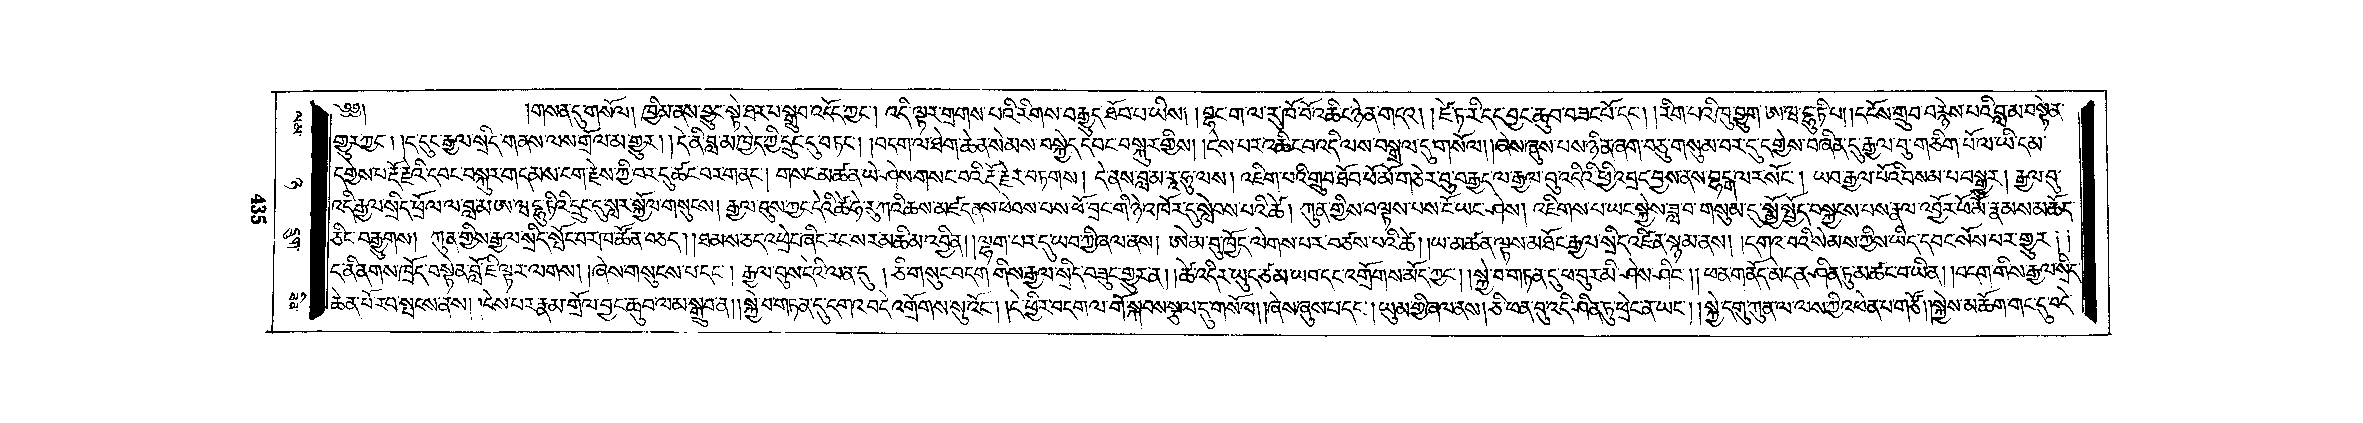༄༅། །གསན་དུ་གསོལ། ཁྱིམ་ནས་བྱུང་སྟེ་ཐར་པ་སྒྲུབ་འདོད་ཀྱང་། འདི་ལྟར་གྲགས་པའི་རིགས་བརྒྱུད་ཐོབ་པ་ཡིས། །བྷང་ག་ལ་རུ་ཁོ་བོ་འཆིང་ཉེན་གདའ། །ཛེ་ཏ་རི་དང་བྱང་ཆུབ་བཟང་པོ་དང་། །རིག་པའི་ཁུ་བྱུག་ཨ་ཝ་དྷུ་ཏི་པ། །དངོས་གྲུབ་བརྙེས་པའི་བླ་མ་བསྟེན་
གྱུར་ཀྱང་། །ད་དུང་རྒྱལ་སྲིད་གནས་ལས་གྲོལ་མ་གྱུར། །དེ་ནི་བླ་མ་ཁྱེད་ཀྱི་དྲུང་དུ་བཏང་། །བདག་ལ་ཐེག་ཆེན་སེམས་བསྐྱེད་དབང་བསྐུར་གྱིས། །ངེས་པར་འཆིང་བ་འདི་ལས་བསྒྲལ་དུ་གསོལ། །ཞེས་ཞུས་པས་ཉིན་ཞག་བཅུ་གསུམ་བར་དུ་དགྱེས་བཞིན་དུ་རྒྱལ་བུ་གཅིག་པོ་ལ་ཡི་དམ་
དགྱེས་པ་རྡོ་རྗེའི་དབང་བསྐུར་གདམས་ངག་རྗེས་ཀྱི་བར་དུ་ཚང་བར་གནང་། གསང་མཚན་ཡེ་ཤེས་གསང་བའི་རྡོ་རྗེར་བཏགས། དེ་ནས་བླ་མ་རཱ་ཧུ་ལས། འཇིག་པའི་གྲུབ་ཐོབ་ཕོ་མོ་གཅེར་བུ་བརྒྱད་ལ་རྒྱལ་བུ་འདིའི་ཕྱི་འབྲང་བྱས་ནས་བྷངྒ་ལར་སོང་། ཡབ་རྒྱལ་པོའི་བསམ་པ་བསྒྱུར། རྒྱལ་བུ་
འདི་རྒྱལ་སྲིད་ཕྲོལ་ལ་བླ་མ་ཨ་ཝདྷུ་ཏིའི་དྲུང་དུ་སླར་སྐྱོལ་གསུངས། རྒྱལ་བུས་ཀྱང་དེའི་ཚེ་ཧེ་རུ་ཀའི་ཆས་མཛད་ནས་ཕེབས་པས་ཕོ་བྲང་གི་ཉེ་འཁོར་དུ་སླེབས་པའི་ཚེ། ཀུན་གྱིས་བལྟས་པས་ངོ་ཡང་ཤེས། འཇིགས་པ་ཡང་སྐྱེས་ཟླ་བ་གསུམ་དུ་སྨྱོ་སྤྱོད་བསྐྱངས་པས་རྣལ་འབྱོར་ཕོ་མོ་རྣམས་མཆོད་
ཅིང་བརྒྱུགས། ཀུན་གྱིས་རྒྱལ་སྲིད་སྤོང་བར་ཁ་ཚོན་བཅད། །ཐམས་ཅད་འཕྲེང་ཞིང་རང་སར་མཆིམ་འབྱིན། །ལྷག་པར་དུ་ཡབ་ཀྱི་ཞལ་ནས། ཨེ་མ་བུ་ཁྱོད་ལེགས་པར་བཙས་པའི་ཚེ། །ཡ་མཚན་ལྟས་མཐོང་རྒྱལ་སྲིད་འཛིན་སྙམ་ནས། །དགའ་བའི་སེམས་ཀྱིས་ཡིད་དབང་སོས་པར་གྱུར། །
ད་ནི་ནགས་ཁྲོད་བསྟེན་བློ་ཇི་ལྟར་ལགས། །ཞེས་གསུངས་པ་དང་། རྒྱལ་བུས་དེའི་ལན་དུ། ཅི་གསུང་བདག་གིས་རྒྱལ་སྲིད་བཟུང་གྱུར་ན། །ཚེ་འདིར་ཡུད་ཙམ་ཡབ་དང་འགྲོགས་མོད་ཀྱང་། །སྐྱེ་བ་གཏན་དུ་ཕ་བུར་མི་ཤེས་ཤིང་། །ཕན་གནོད་མེད་ན་ཤིན་ཏུ་མཚང་བ་ཡིན། །བདག་གིས་རྒྱལ་སྲིད་
ཆེན་པོ་རབ་སྤངས་ནས། །ངེས་པར་རྣམ་གྲོལ་བྱང་ཆུབ་ལམ་སྒྲུབ་ན། །སྐྱེ་བ་གཏན་དུ་དགའ་བདེ་འགྲོགས་སུ་འོང་། །དེ་ཕྱིར་བདག་ལ་གོ་སྐབས་སྩལ་དུ་གསོལ། །ཞེས་ཞུས་པ་དང་། ཡུམ་གྱི་ཞལ་ནས། ཅི་ཕན་བུ་འདི་ཤིན་ཏུ་ཕྲེང་ན་ཡང་། །སྐྱེ་དགུ་ཀུན་ལ་ལས་ཀྱི་འཕེན་པ་གཙོ། །སྐྱེས་མཆོག་གང་དུ་བདེ་